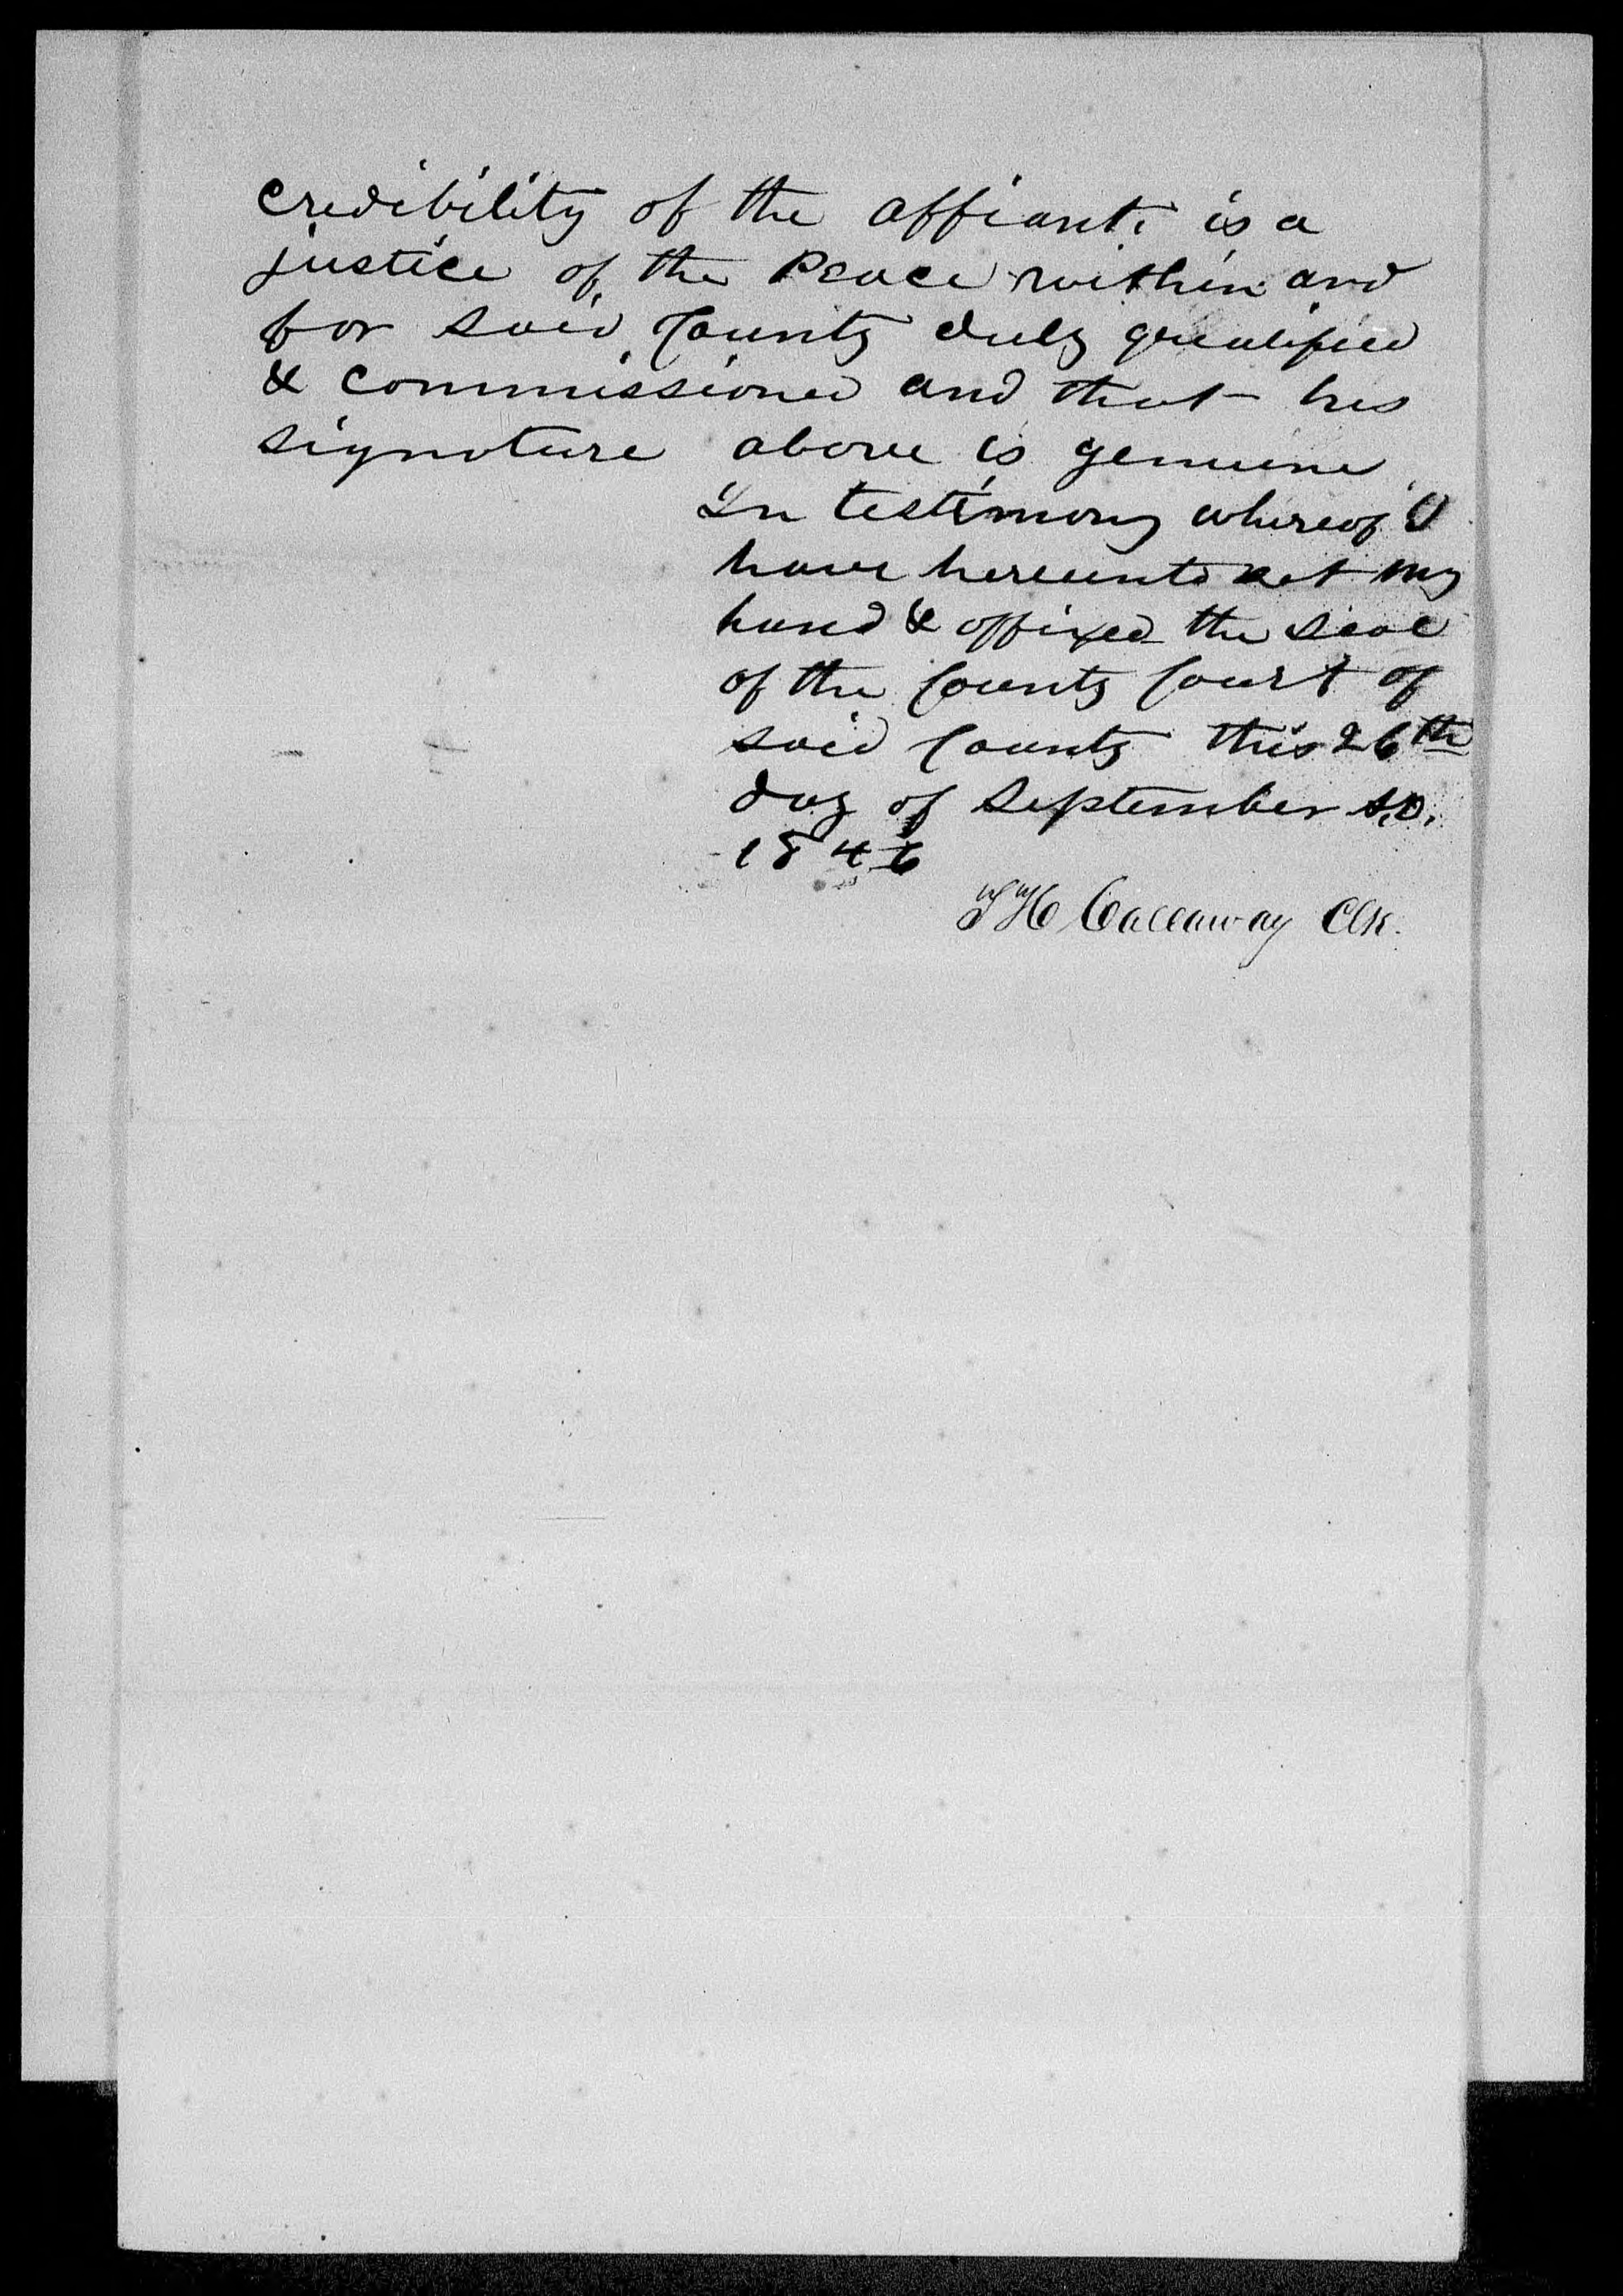credibility of the affiant is a 
Justice of the Peace within and 
for said County duly qualified 
& commissioned and that his 
signature above is genuine 

In testimony whereof 
have hereunto set my 
hand & affixed the seal 
of the County Court of 
said County this 26th 
day of September 10
1842 

T.H Callaway Clk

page: 65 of 93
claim: widow's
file: W. 21792, for Thomas Mc Clurken, South Carolina